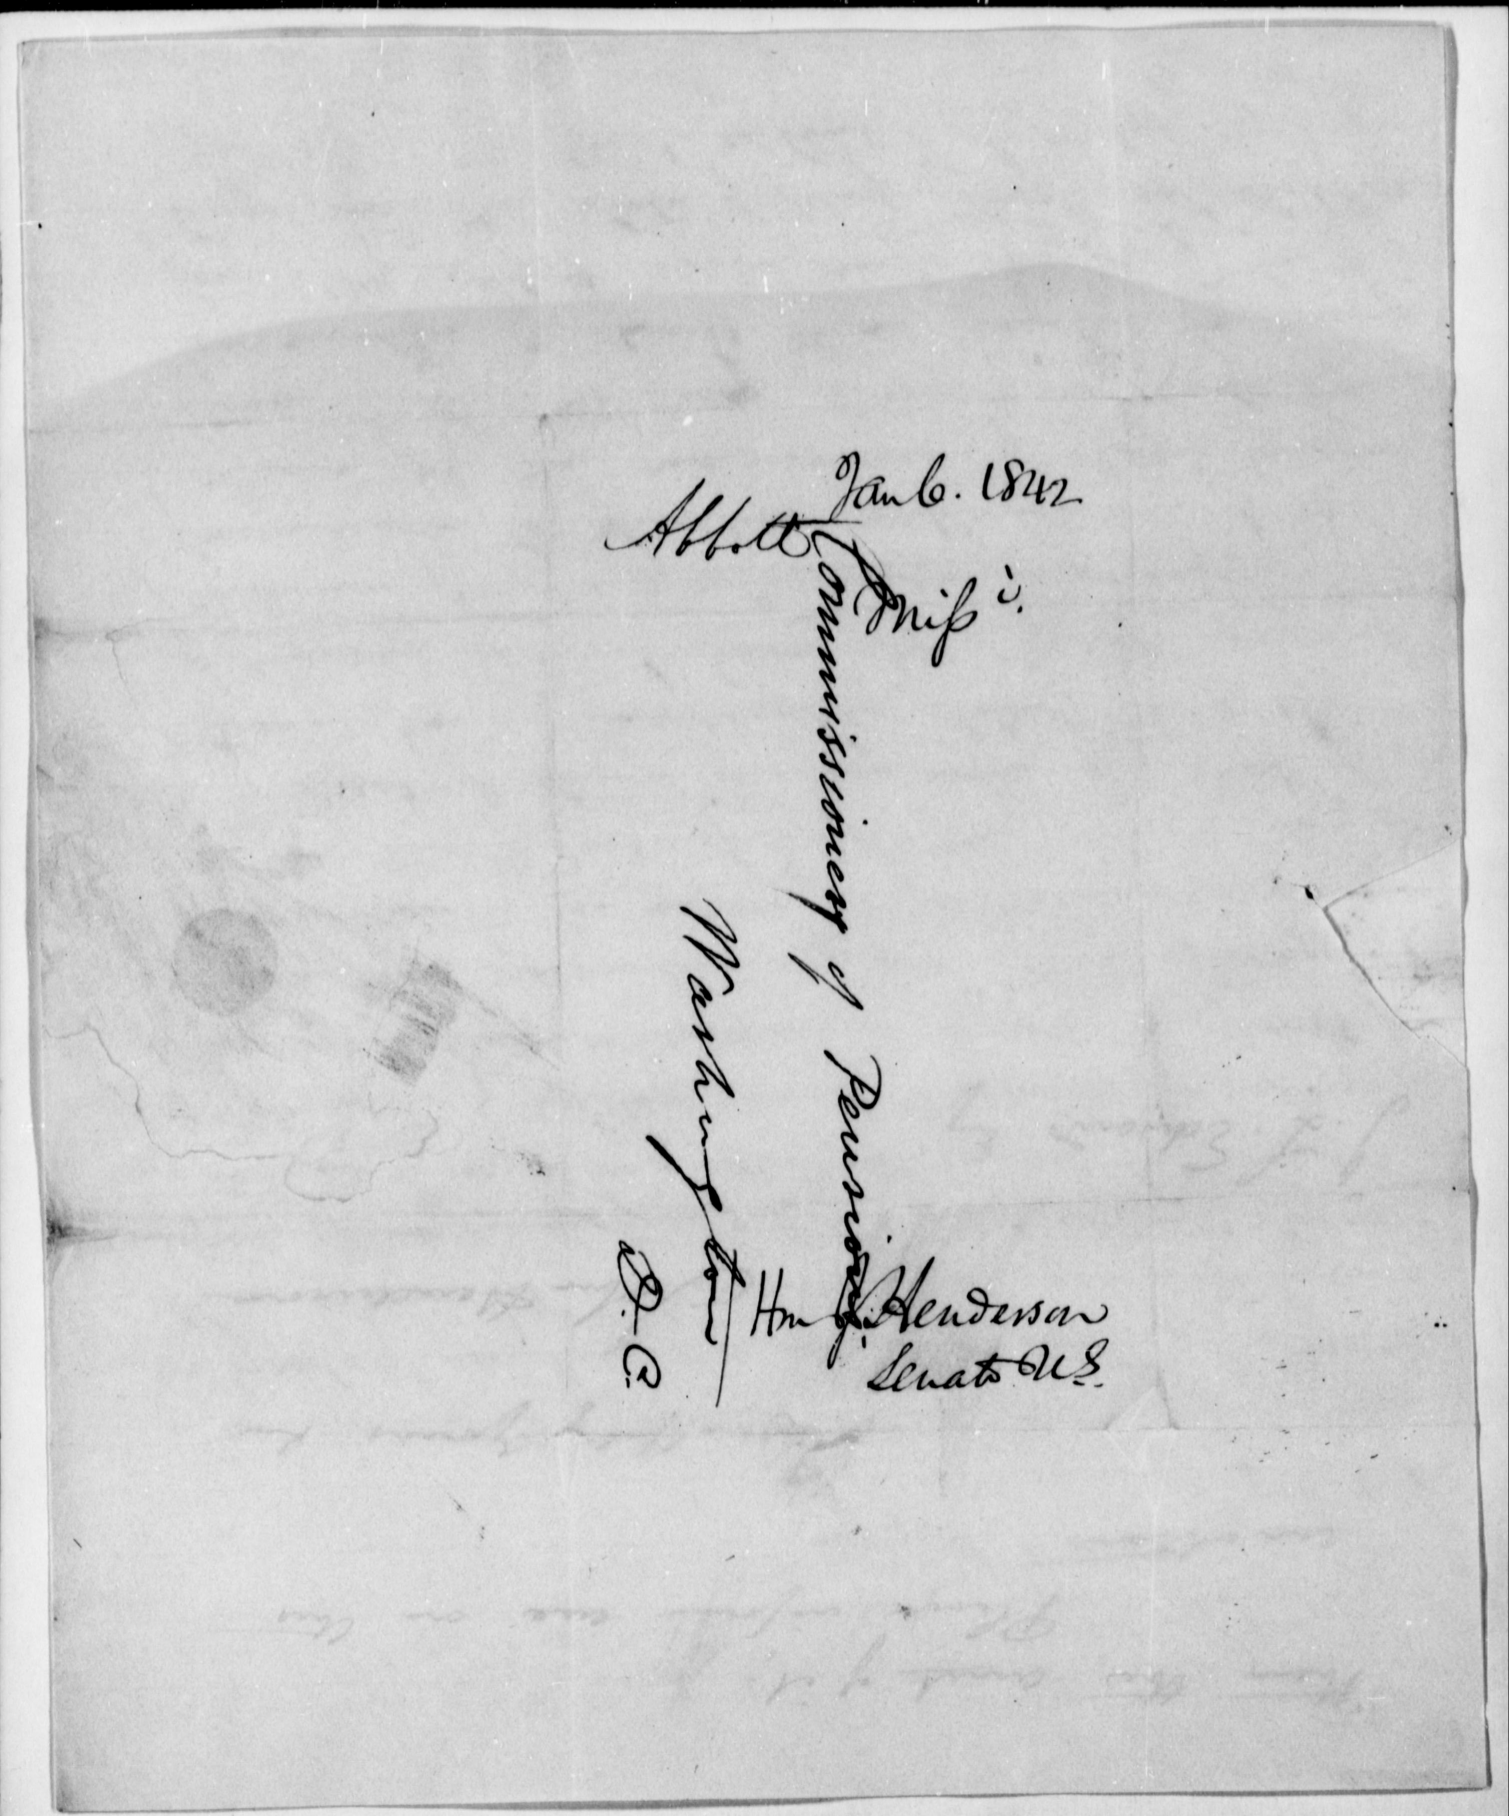Commissioner of Pensions
Washington D.C.

Abbott
Jan 6 1842
Missi.

Hon J. Henderson
Senate U.S.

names: Abbott, J Henderson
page: 31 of 38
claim: survivor's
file: S. 30. 239, William Abbott, S.C.